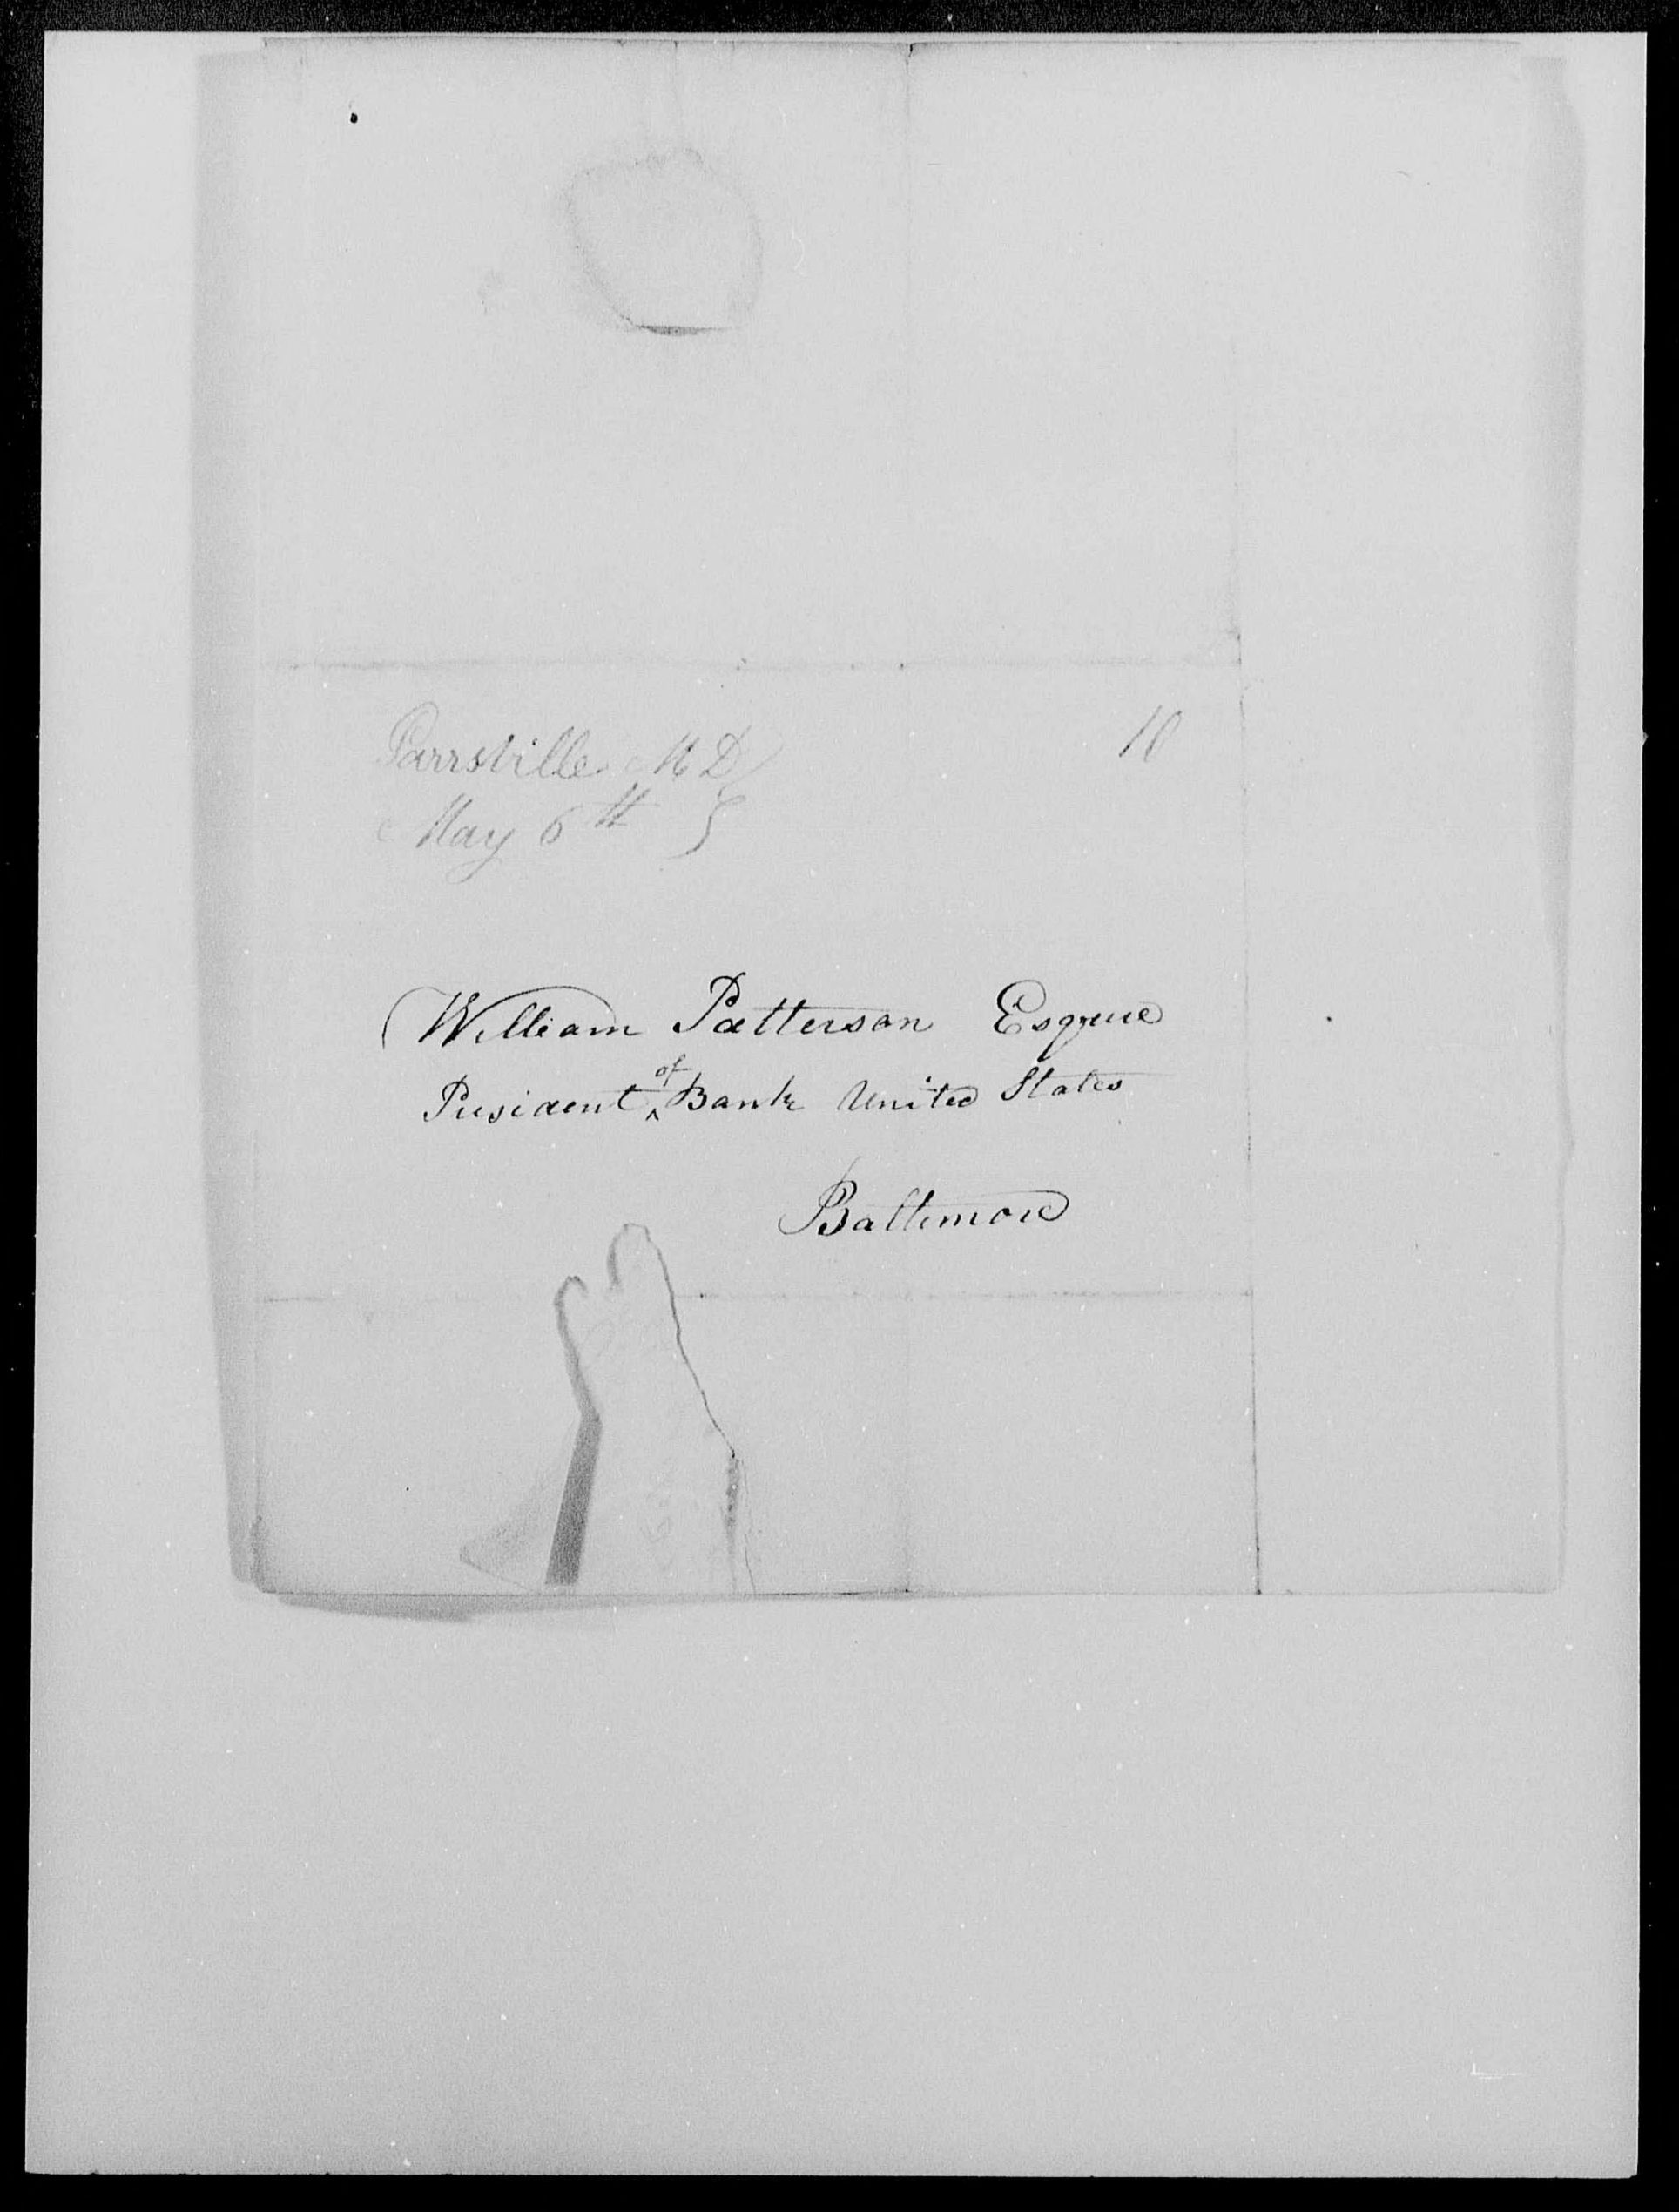Parrsville, MD
May 6th

10

William patterson Esquire
President of Bank United States

Baltimore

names: William Patterson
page: 17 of 30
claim: survivor's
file: S. 10093, James Blewer, Md.